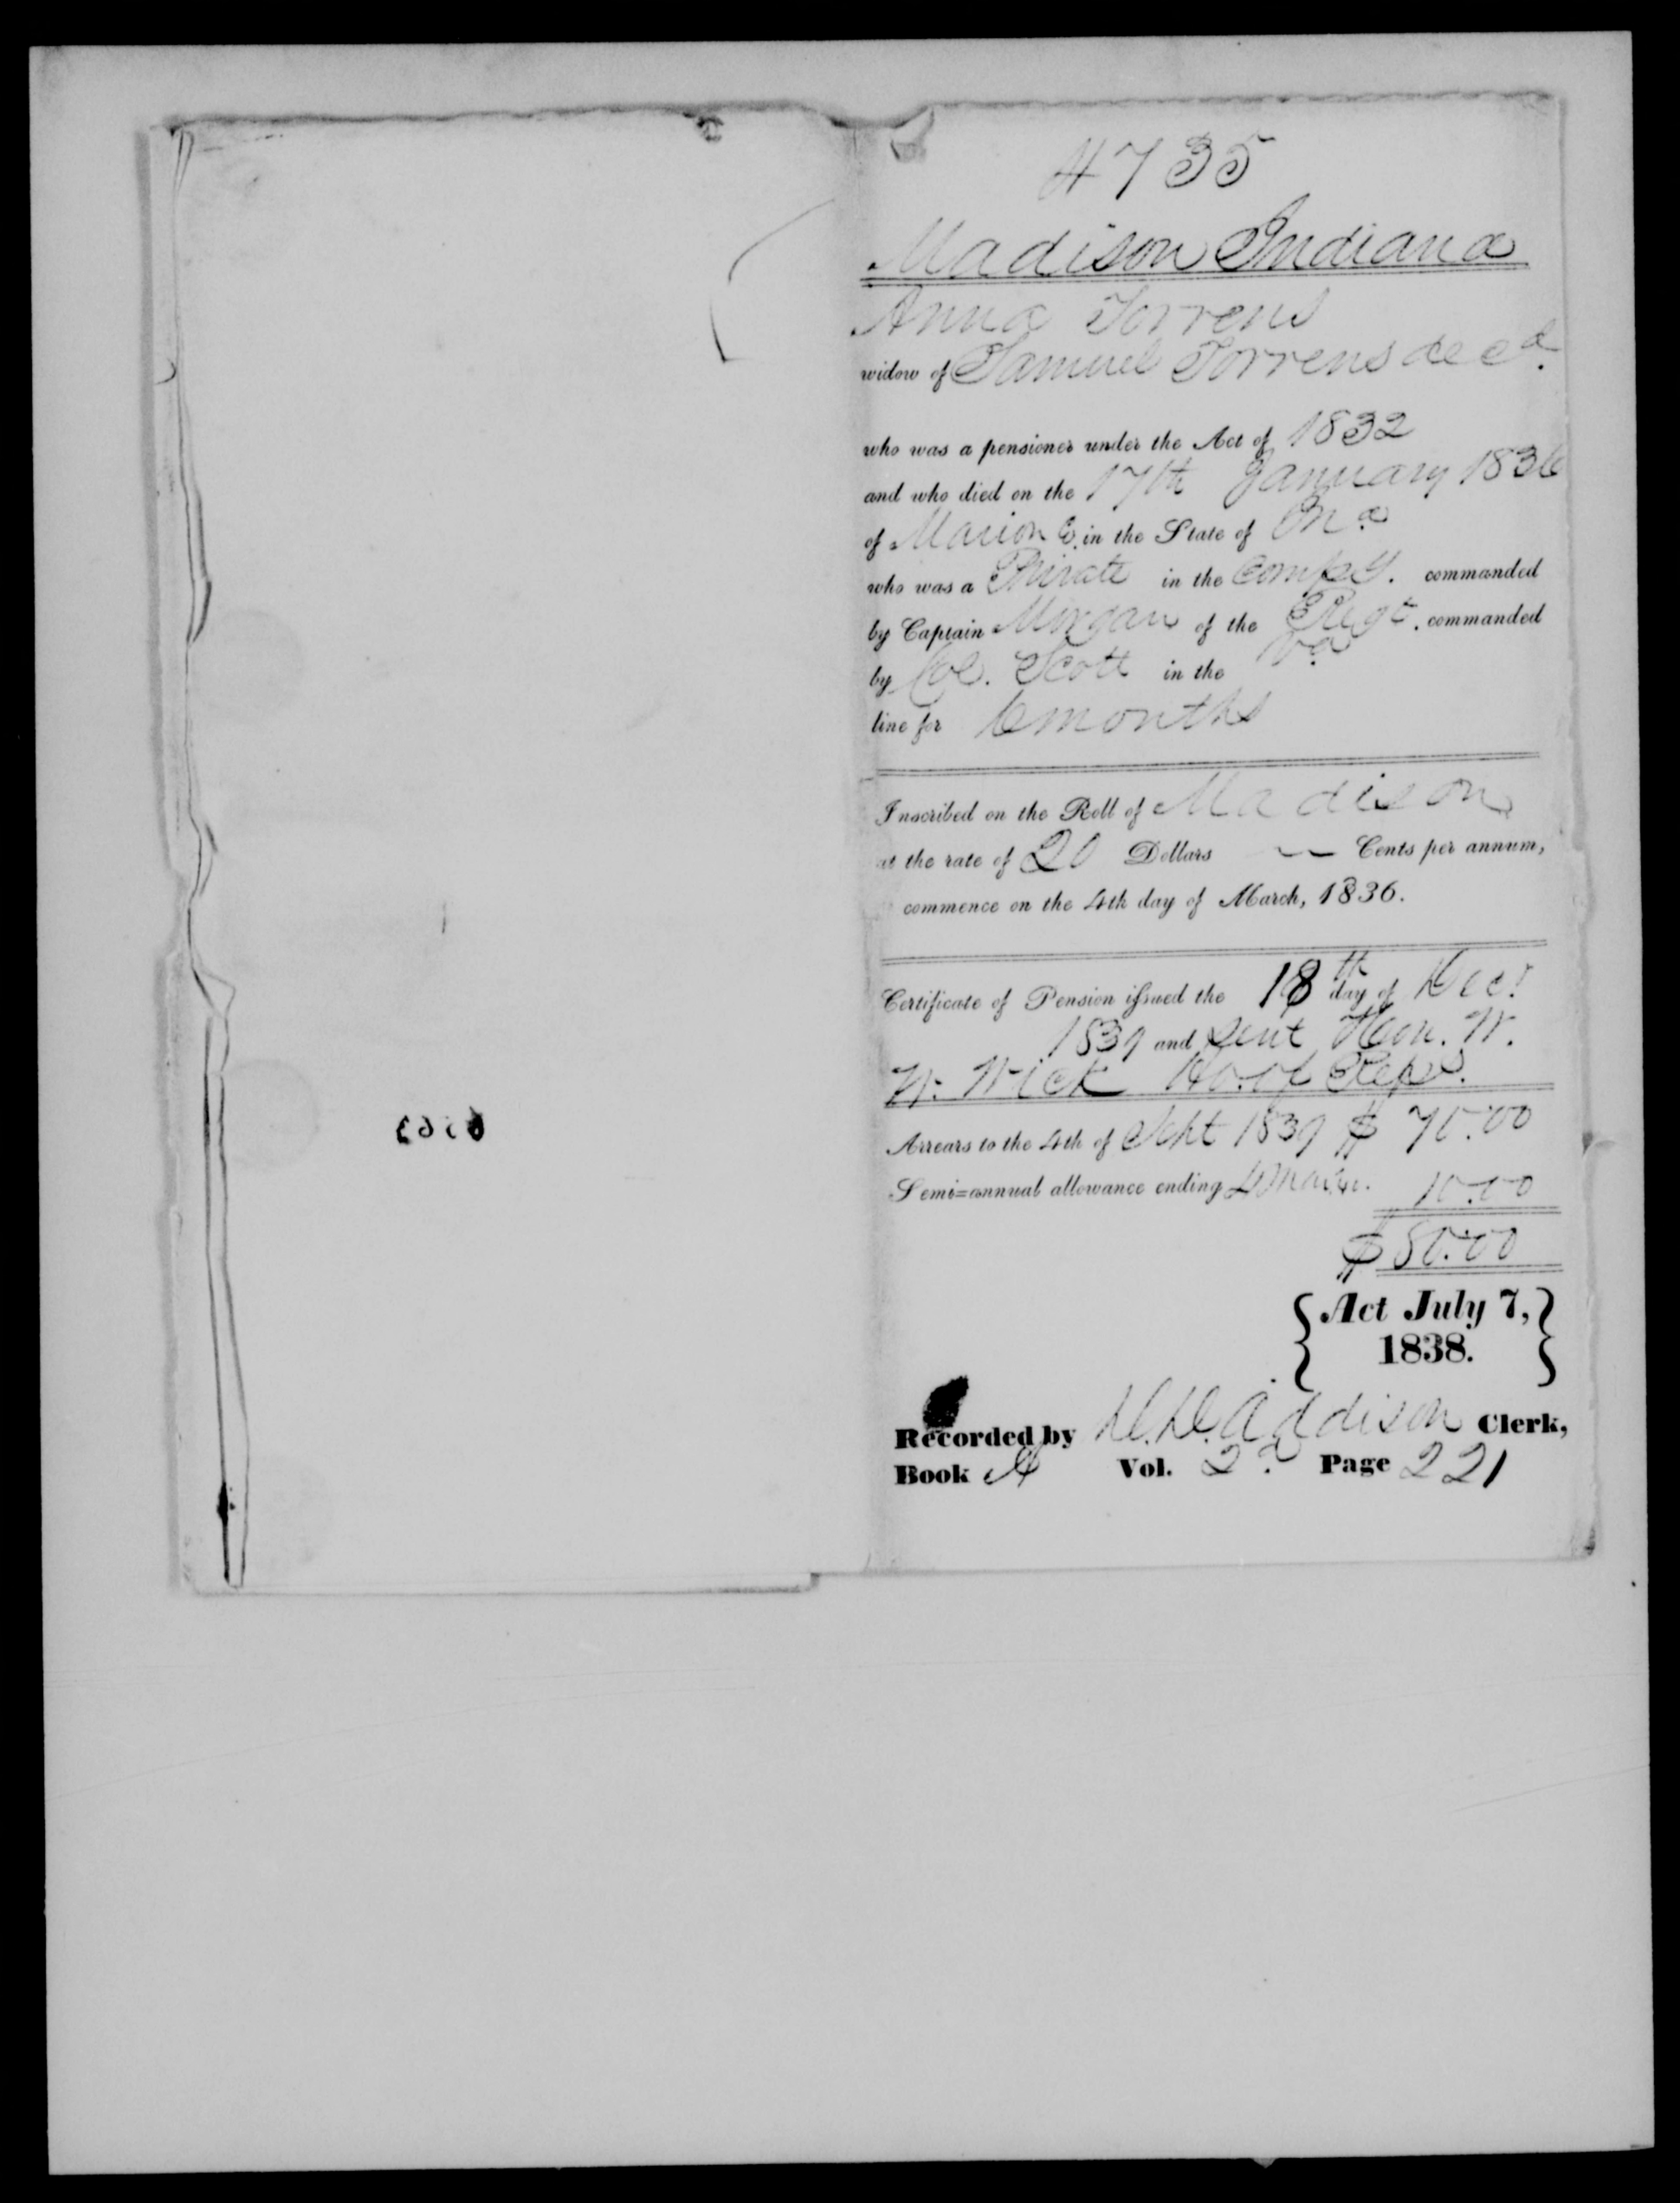4735
Madison Indiana
Anna Torrens
widow of Samuel Torrens decd.
who was a pensioner under the Act of 1832
and who died on the 17th January 1836
of Marion Co. in the State of Ina.
who was a Private in the Compy. commanded by Captain Morgan of the Regt. commanded by Col. Scott in the 
line for 6 months
Inscribed on the Roll of Madison
at the rate of 20 Dollars - Cents per annum, to commence on the 4th day of March, 1836.
Certificate of Pension issued the 18th day of Decr. 1839 and sent Hon. W. W. Wick Ho. of Reps.
Arrears to the 4th of Sept 1839 $70.00
Semi=annual allowance ending 4 Mar '42. 10.00
$80.00
Act July 7, 1838.
Recorded by D. D. Addison Clerk,
Book A Vol. 2. Page 221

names: Morgan, Anna Torrens, Samuel Torrens, Scott, D D Addison, W W Wick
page: 19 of 27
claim: widow's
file: W. 9860, Samuel Torrons, Va.